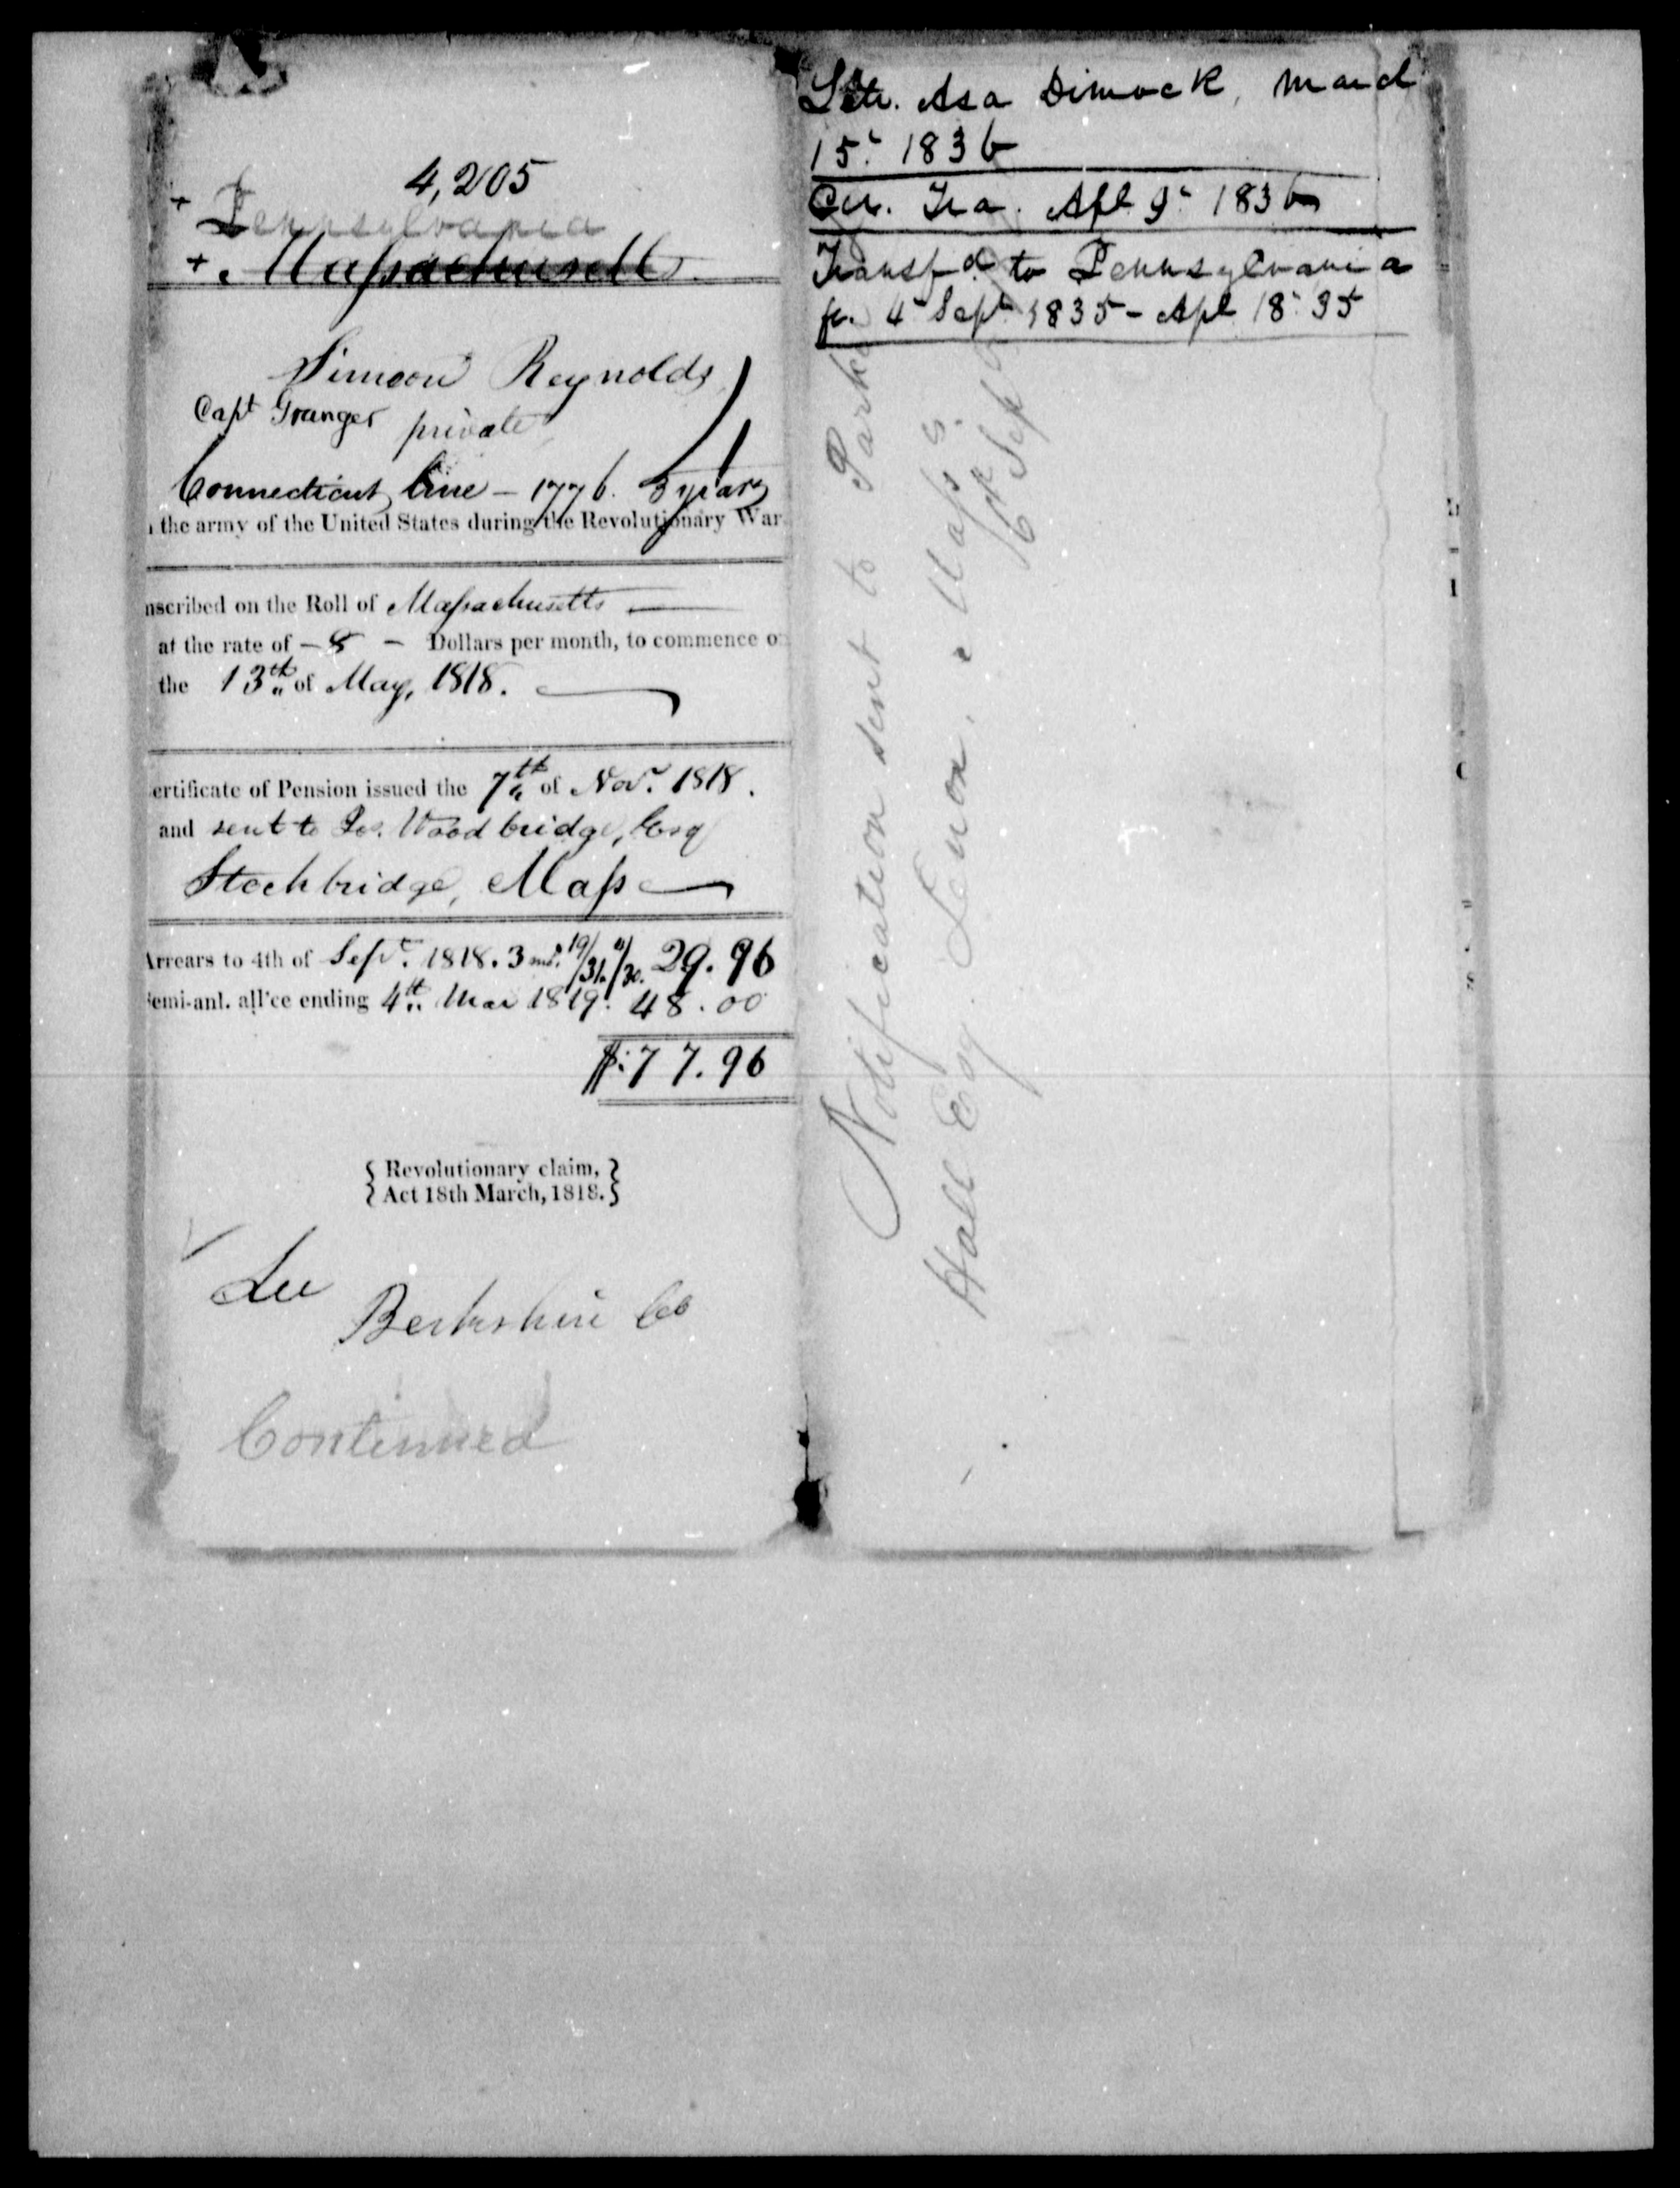4205
Pennsylvania

Simeon Reynolds

Capt Granger private
Connecticut line-1776 3 years
in the army of the united States during the Revolutionary War.

Inscribed on the Roll of Massachusetts at the rate of 8 dollars per month, to commence on the 13th of May 1818.

Certificate of Pension issued the 7th of Nov. 1818 and sent to Jos. Woodbridge, Esq
Stockbridge, Mass

Arrears to 4th of Spt 1818 3 mos 19/31 11/30  29.96
Semi-annl all'ce ending 4th Mar 1818  48.00
                                                   -------------
                                                        $77.96

{Revolutionary claim, Act 18th March, 1818}

due Berkshire Co
Continued


Notification sent to Parker L Hall Esq Lenon, Mass 16 Sept 

Letr. Asa Dimock, March 15 1836

Cir. Tra. Apl 9 1836

Transfer to Pennsylvania for 4 Sept 1835-Apl 18 '35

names: [BLANK] Granger; Jos Woodbridge; Asa Dimock; Simeon Reynolds; Parker L Hall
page: 2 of 20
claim: survivor's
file: S. 41,094, for Simeon Reynolds, Connecticut